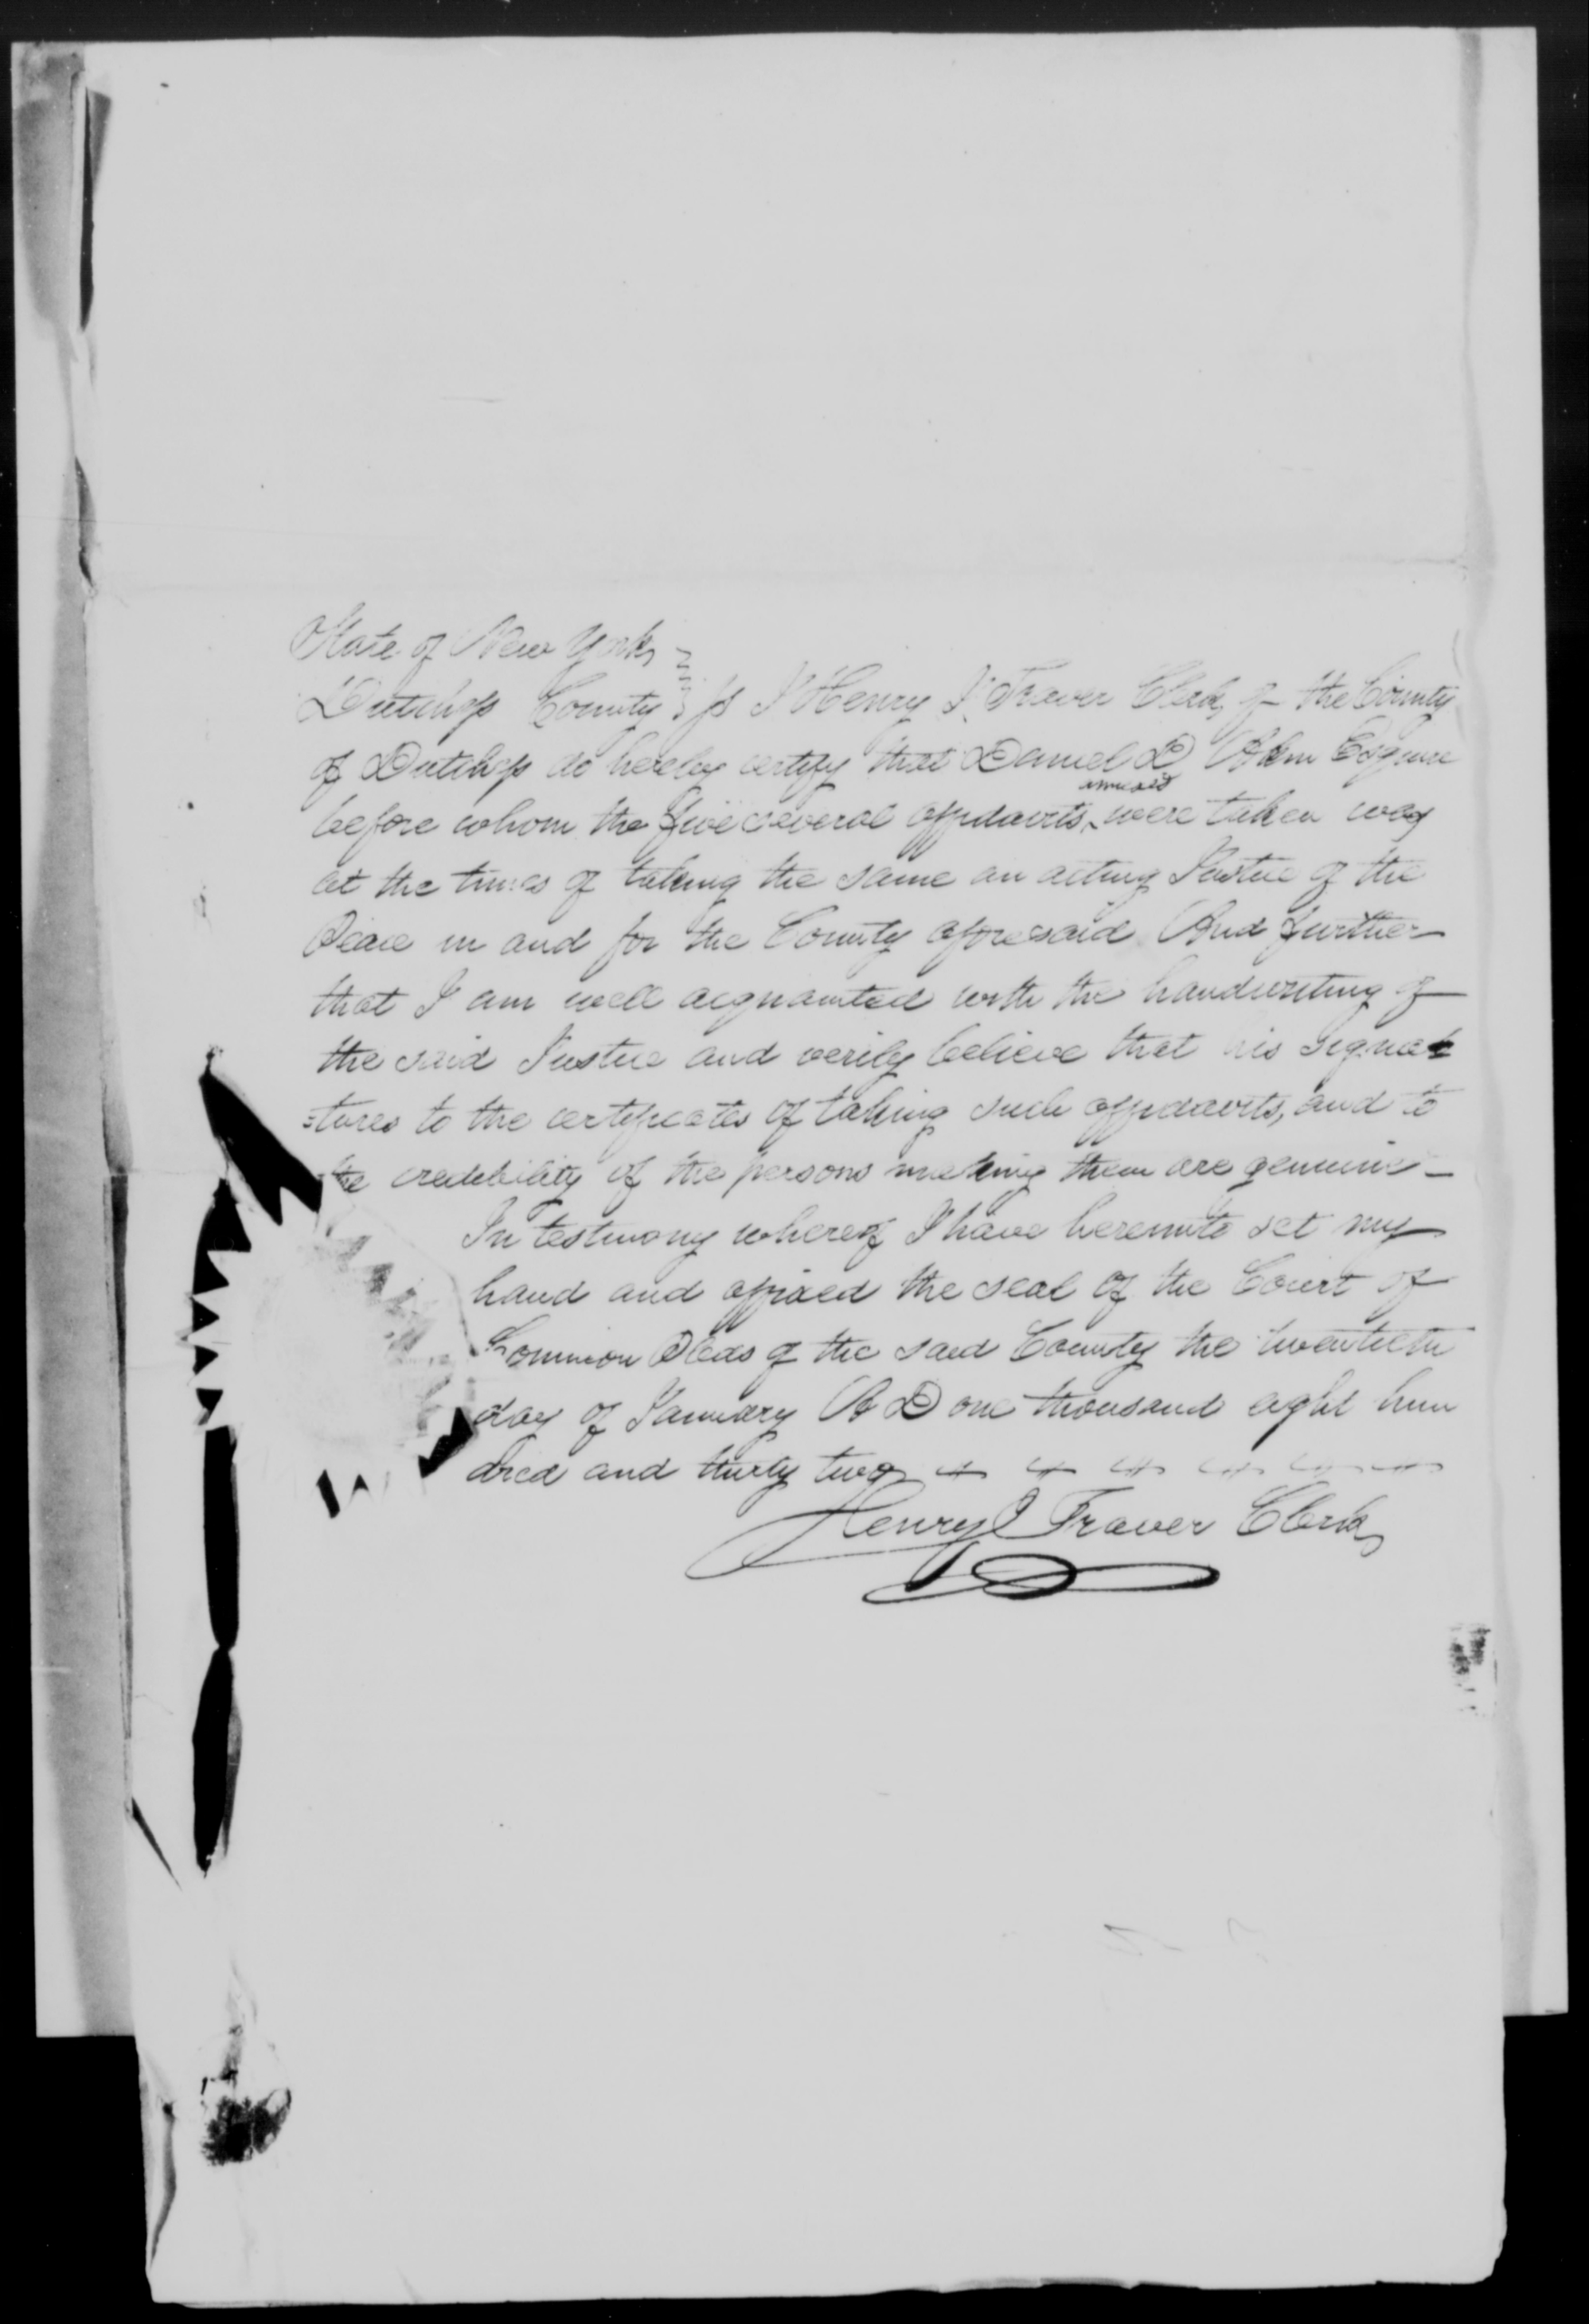State of New York 
Dutchess County Ss  I Henry Traver Clerk of the County of Dutchess do hereby certify that Daniel D. Akin Esquire before whom the five several affidavits annexed were taken was at the time of taking the same an acting Justice of the Peace in and for the County aforesaid. And further that I am well acquainted with the handwriting of the said Justice and verily believe that his signatures to the certificates of taking such affidavits, and to the credibility of the persons making them are genuine- 
In testimony whereof I have hereunto set my hand and affixed the seal of the Court of Common Pleas of the said County the twentieth day of January A D one thousand eight hundred and thirty two 
Henry Traver Clerk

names: Henry J Traver, Daniel D Akin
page: 37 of 77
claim: widow's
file: W. 19658, John Woodin, New York